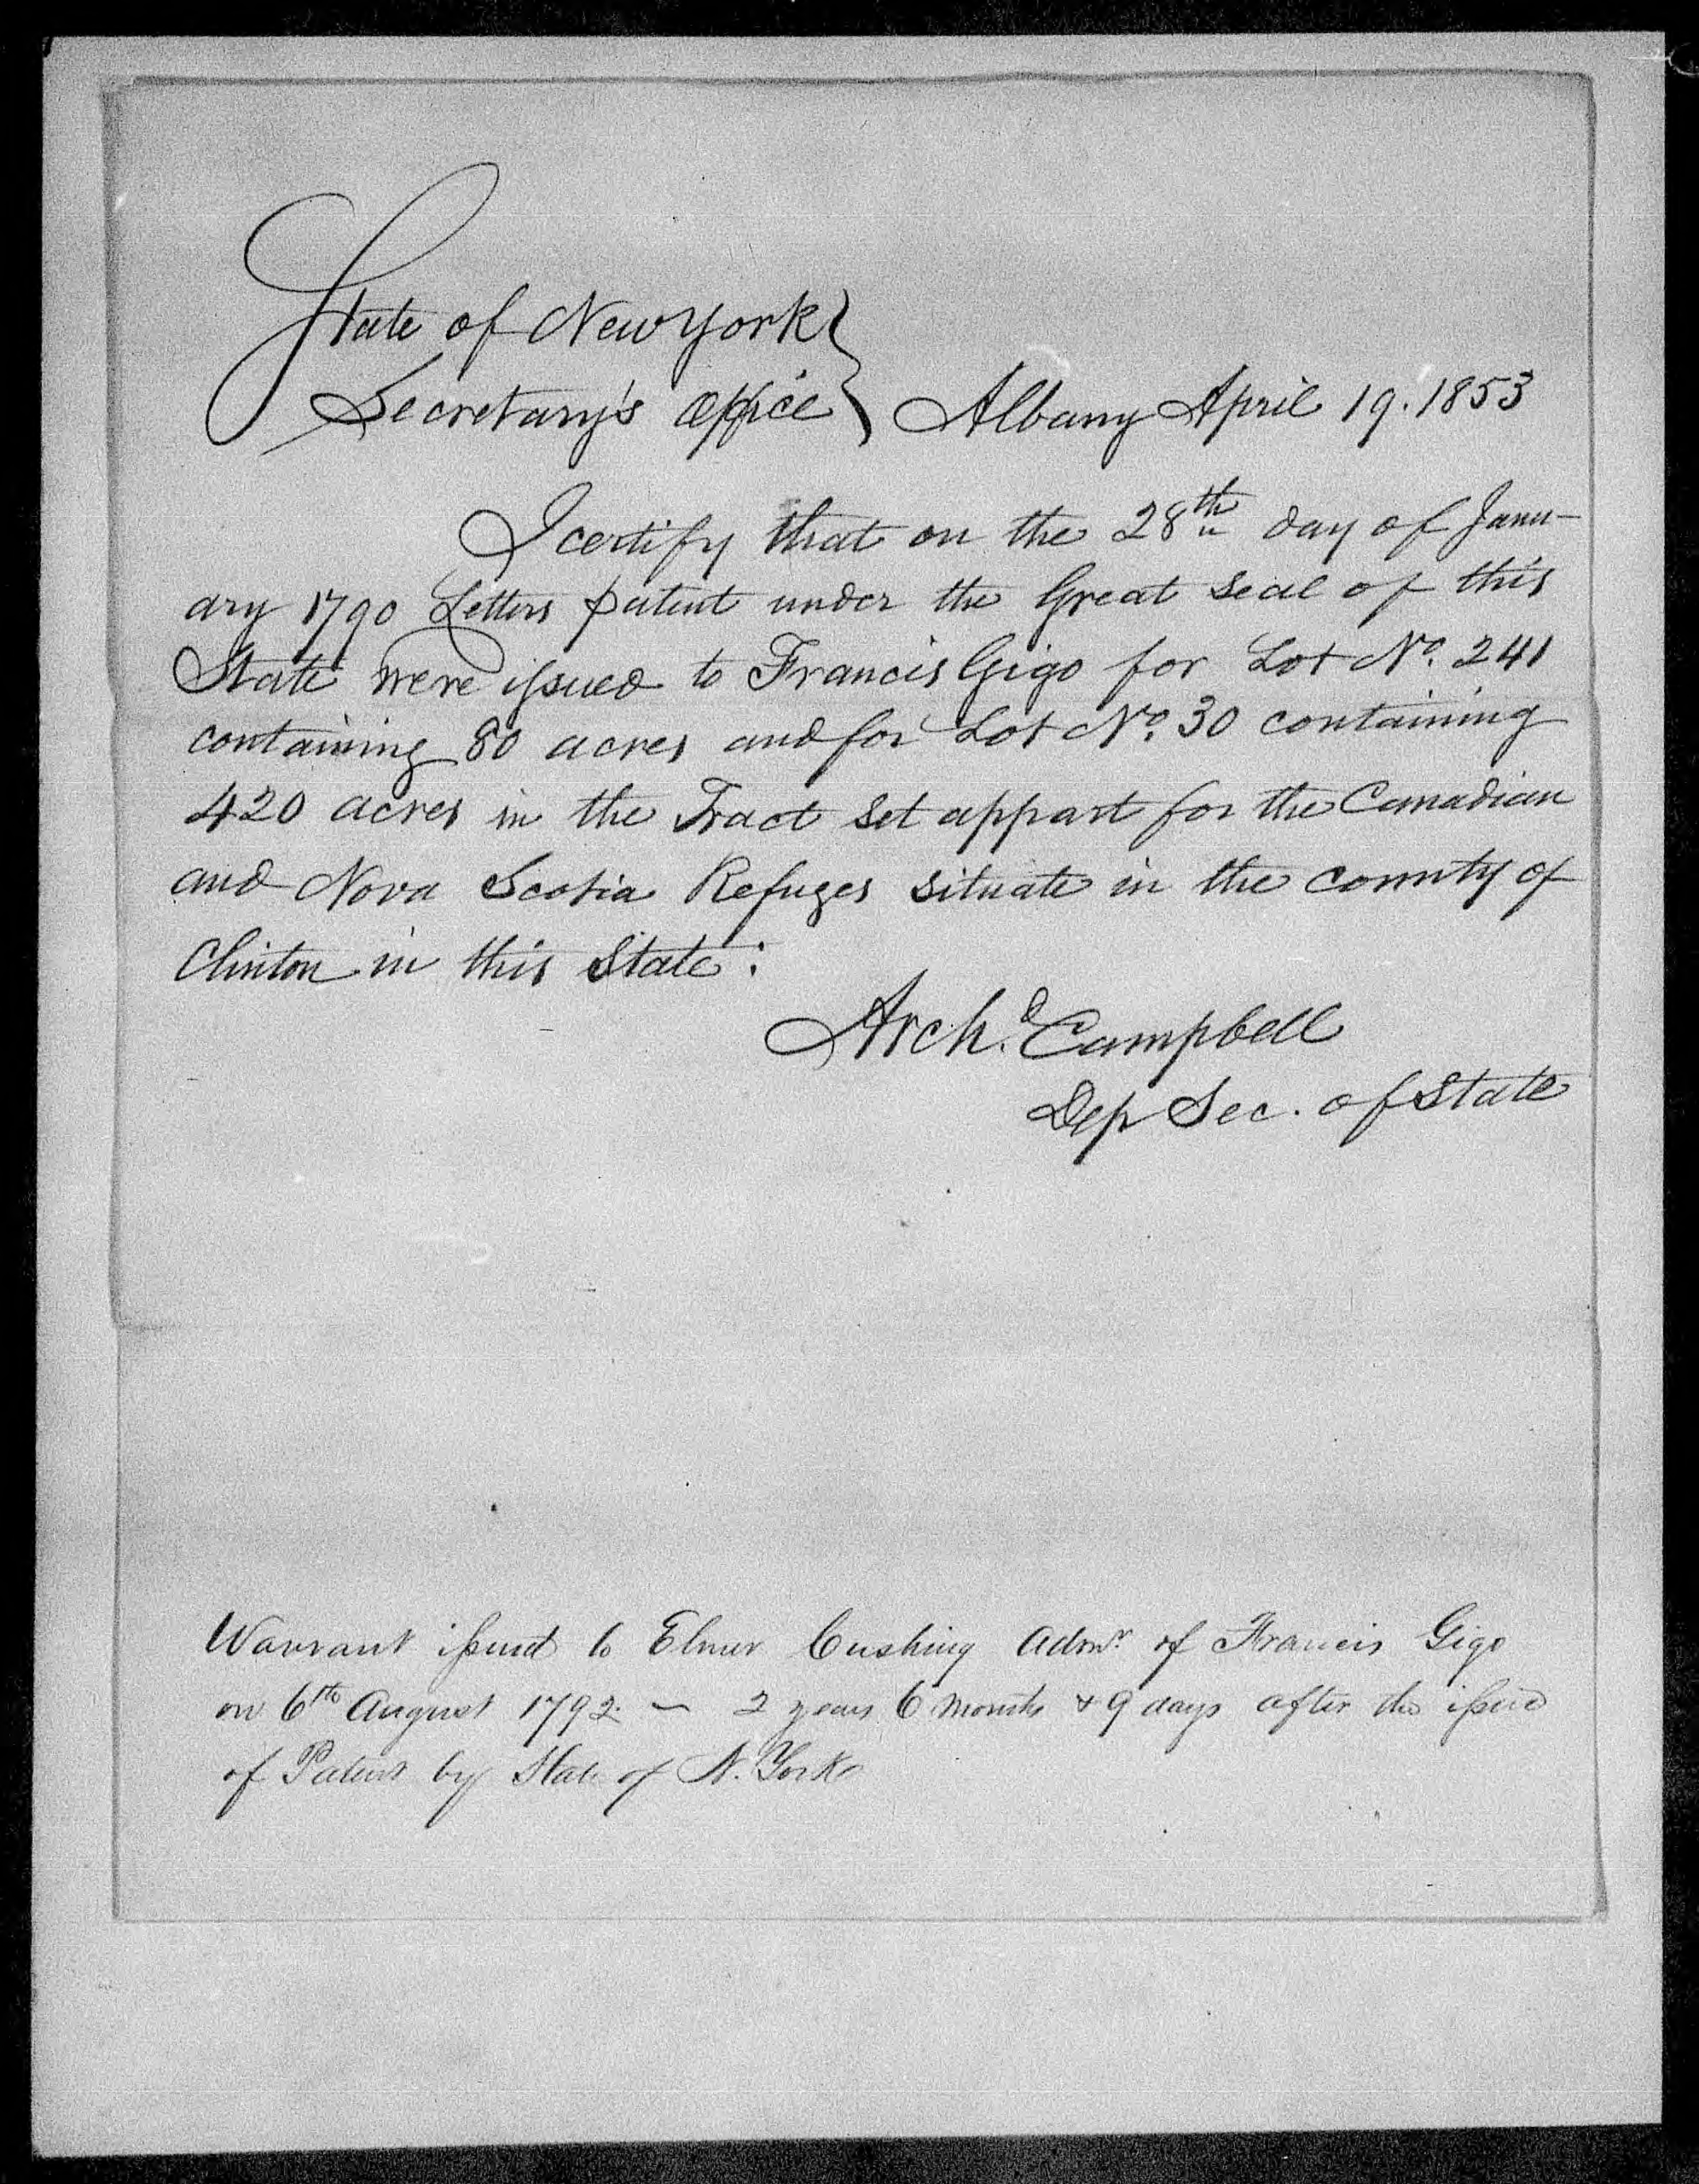State of New York
Secretary's Office

Albany, April 19, 1853
I certify that on the 28th day of January 1790 letters patent under the Great Seal of this state were issued to Francis Gigo for Lot No 21 containing 80 acres and for Lot No 30 containing 420 acres in the tract set appart for the Canadian and Noa Scotia refuges situate in the county of Clinton in this state.
Archd Campbell
Dep. Sec. of State

Warrant issued to Elmer Cushing, Adm. of Francis Gigo on 6th August 1792.  2 years, 6 months and 9 days after the issue of Patent by State of New York.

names: Francis Gigo, Elmer Cushing, Francis Gigo, Archd Campbell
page: 90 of 98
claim: widow's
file: W. 21182, Francis Gigo, Continental (Canadian)